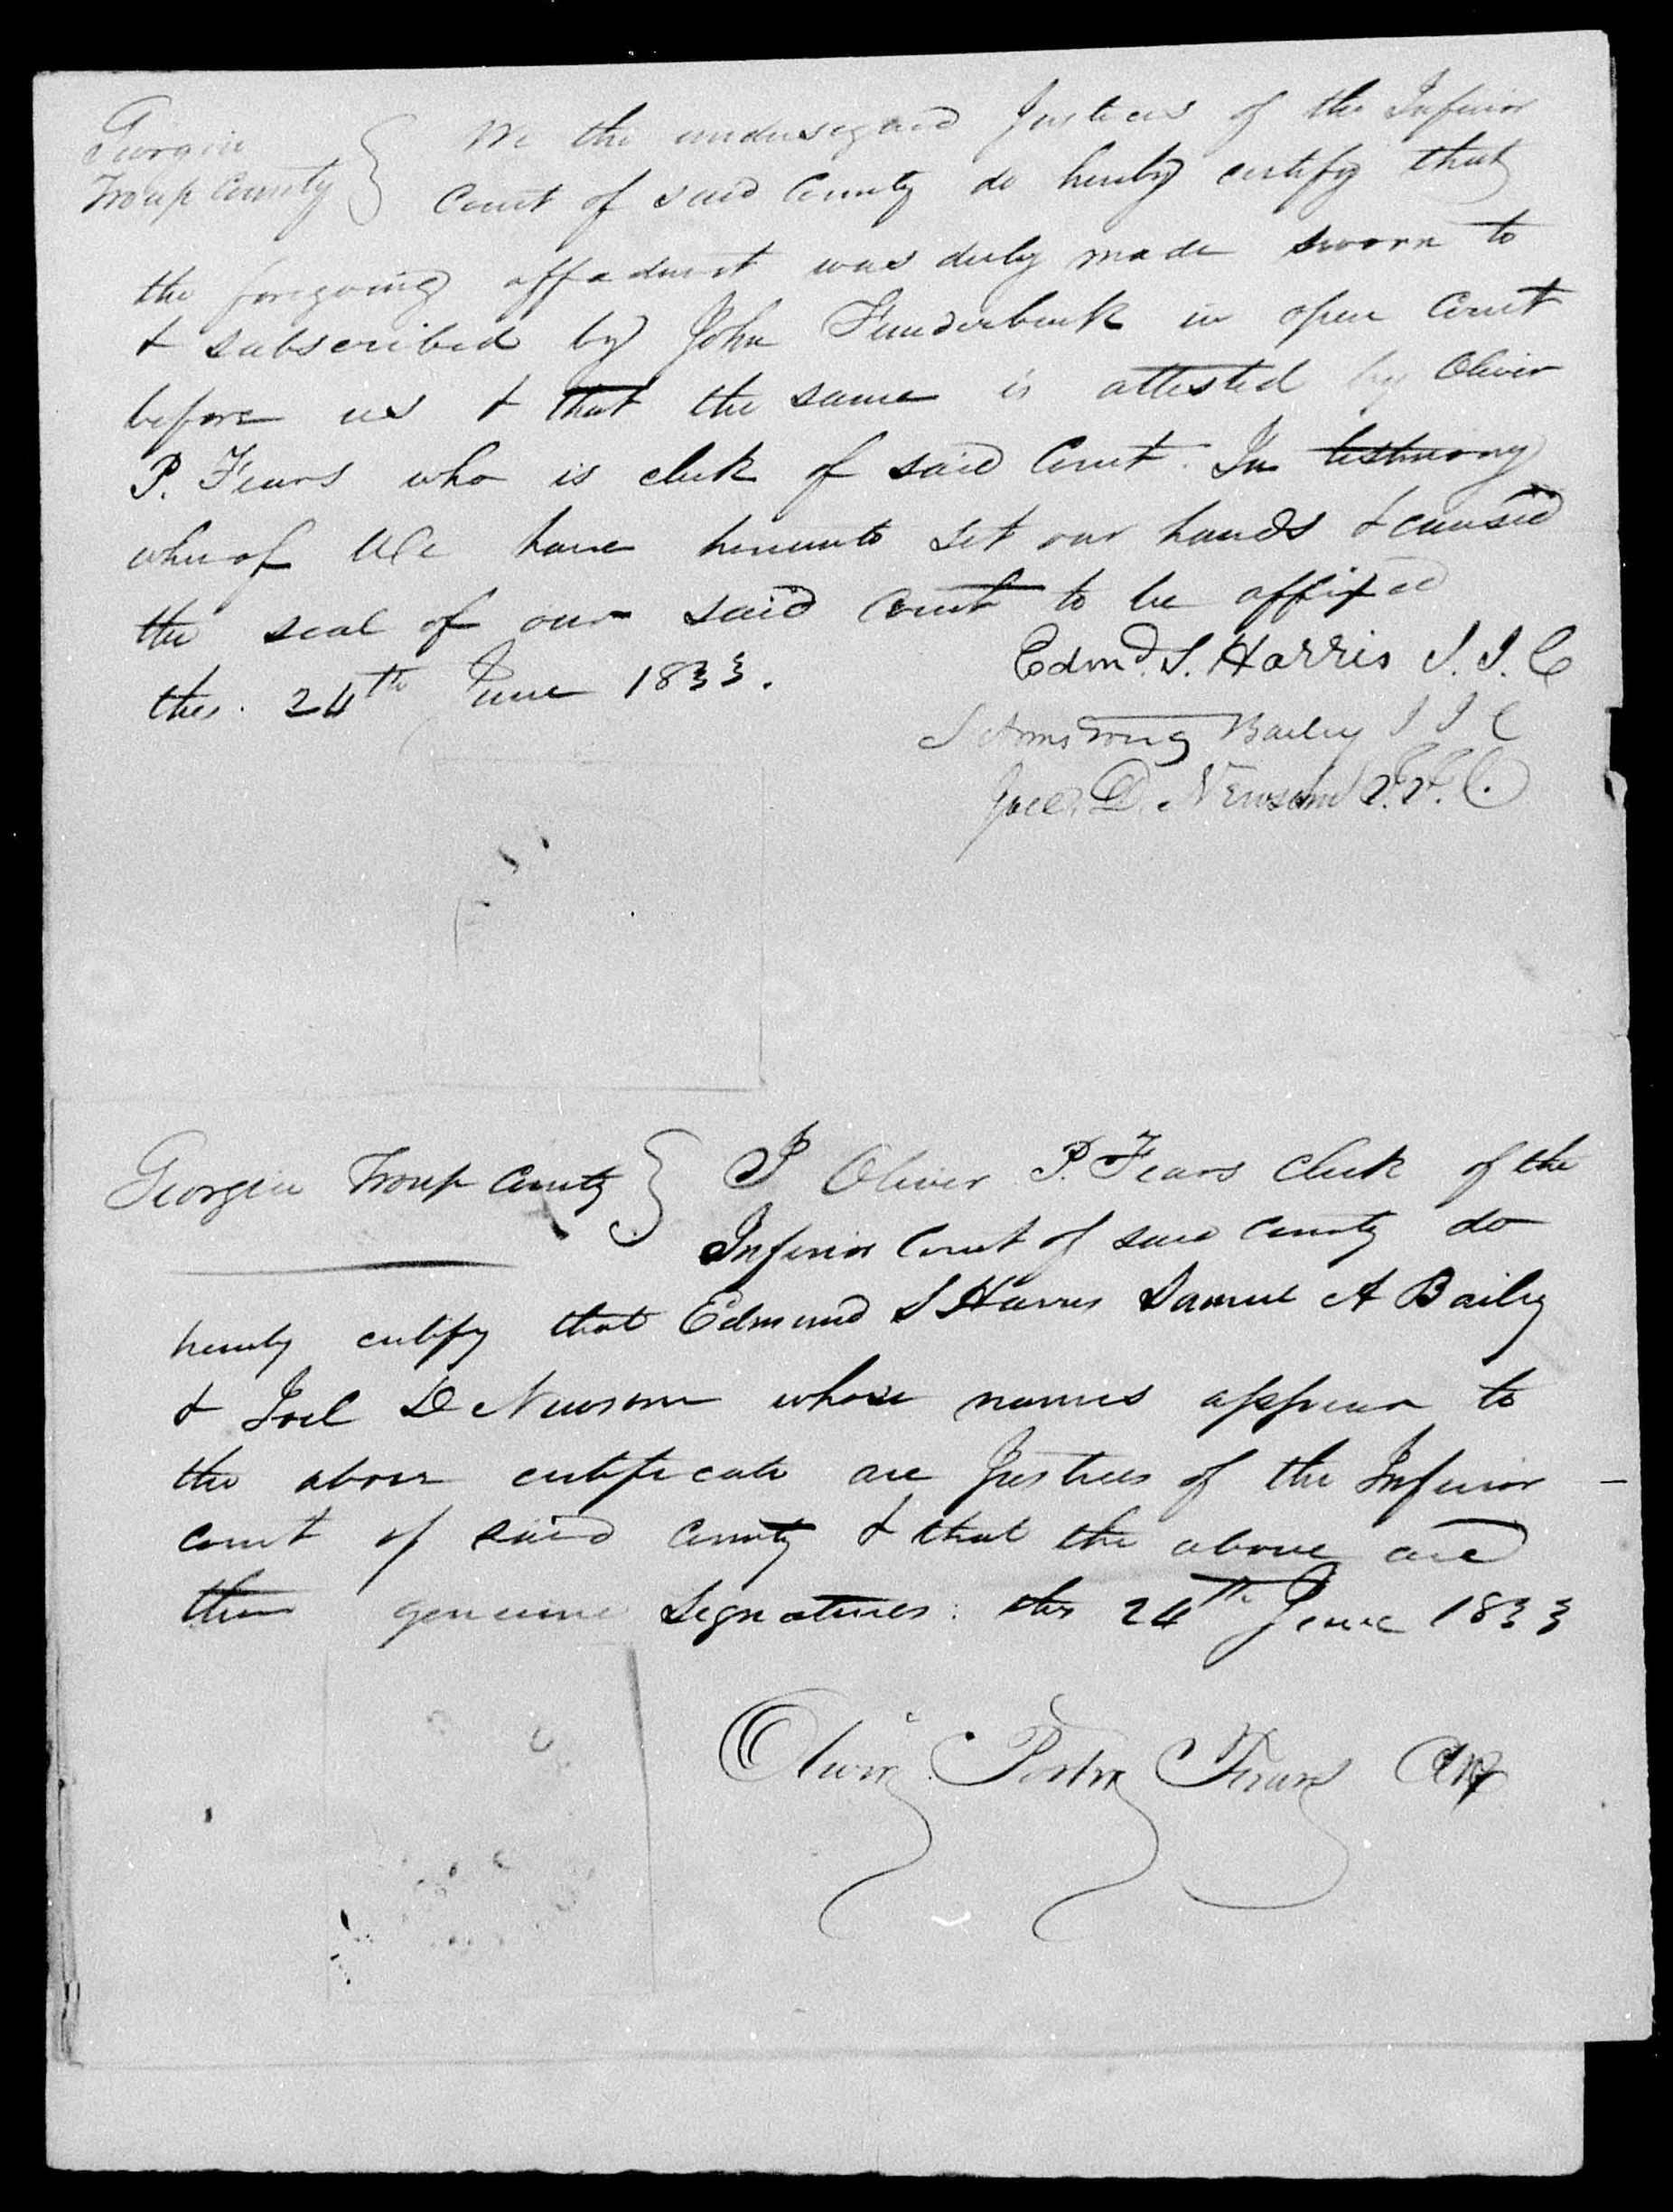Georgia
Troup County

We the undersigned Justices of the Inferior
Court of said county do hereby certify that
the foregoing affadavit was duly made sworn to
& subscribed by John Funderburk in open court
before us & that the same is attested by Oliver
P. Fears who is clerk of said court. In testimony
whereof we have herunto set our hands & caused 
the seal of our said court to be affixed
the 24th June 1833.

Edmd. S. Harris J.I.C.
S Armstrong Bailey J.I.C.
Joel D. Newsom J.I.C.


Georgia Troup County
I Oliver P. Fears clerk of the 
Inferior Court of said county do 
hereby certify that Edmund S Harris Samuel A Bailey 
& Joel D Newsom whose names appear to
the above certificate are Justices of the Inferior
Court of said county & that the above are
their genuine signatures: the 24th June 1833

Oliver Porter Fears [illegible]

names: Oliver P Fears, S Armstrong Bailey, Edmund S Harris, Joel D Newsom, Edmd S Harris, Samul A Baily, Oliver P Fears, Oliver Porter Fears, Joel D Newsom, John Funderburk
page: 12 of 23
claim: survivor's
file: S. 31,682, John Funderbuck, S.C.